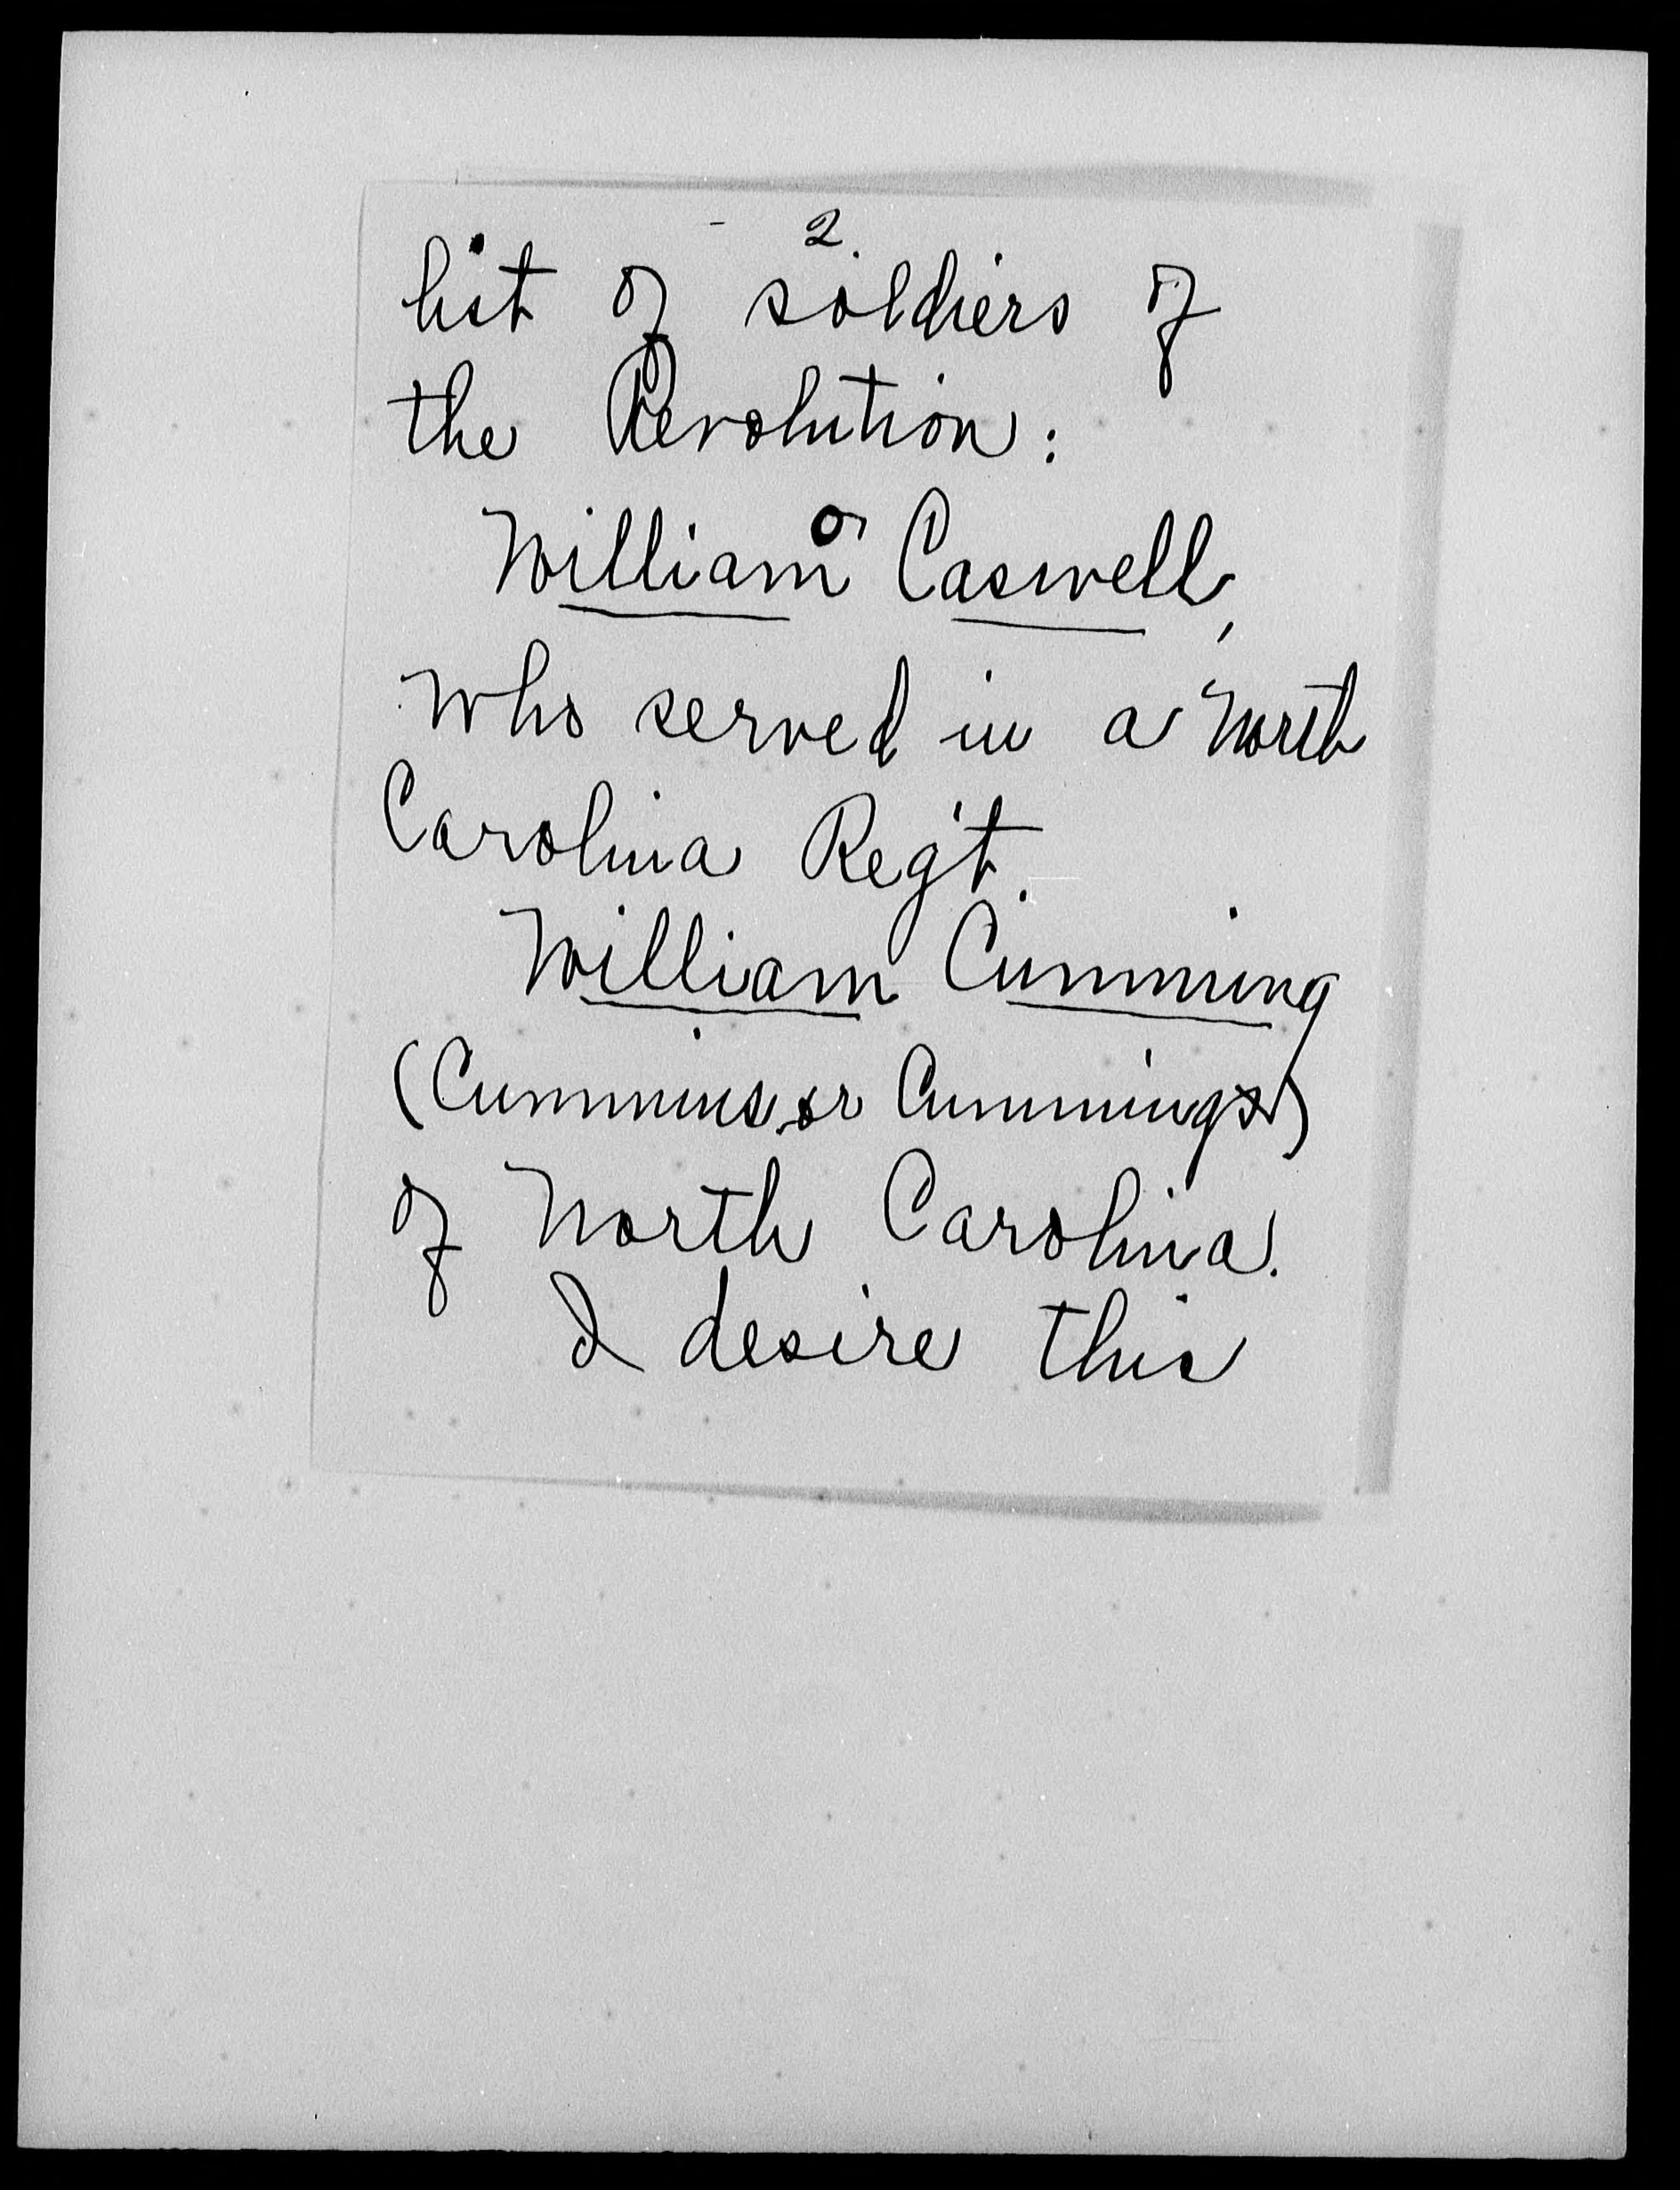[Second page of three with handwritten letter from Mrs. B. H. Rawls.]

2.
list of soldiers of the Revolution:

[Here the following name is underlined, and what appears to be the word ^ "or" is written in between the "William" and "Caswell"] William ^ or Caswell, who served in a North Carolina Reg't.

[Here the following name is underlined] William Cumming

(Cummins or Cummings)
of North Carolina.
I desire this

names: Cummins, William Caswell, Cummings, William Cumming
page: 137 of 145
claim: survivor's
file: S. 8265, William Cumming, N.C.